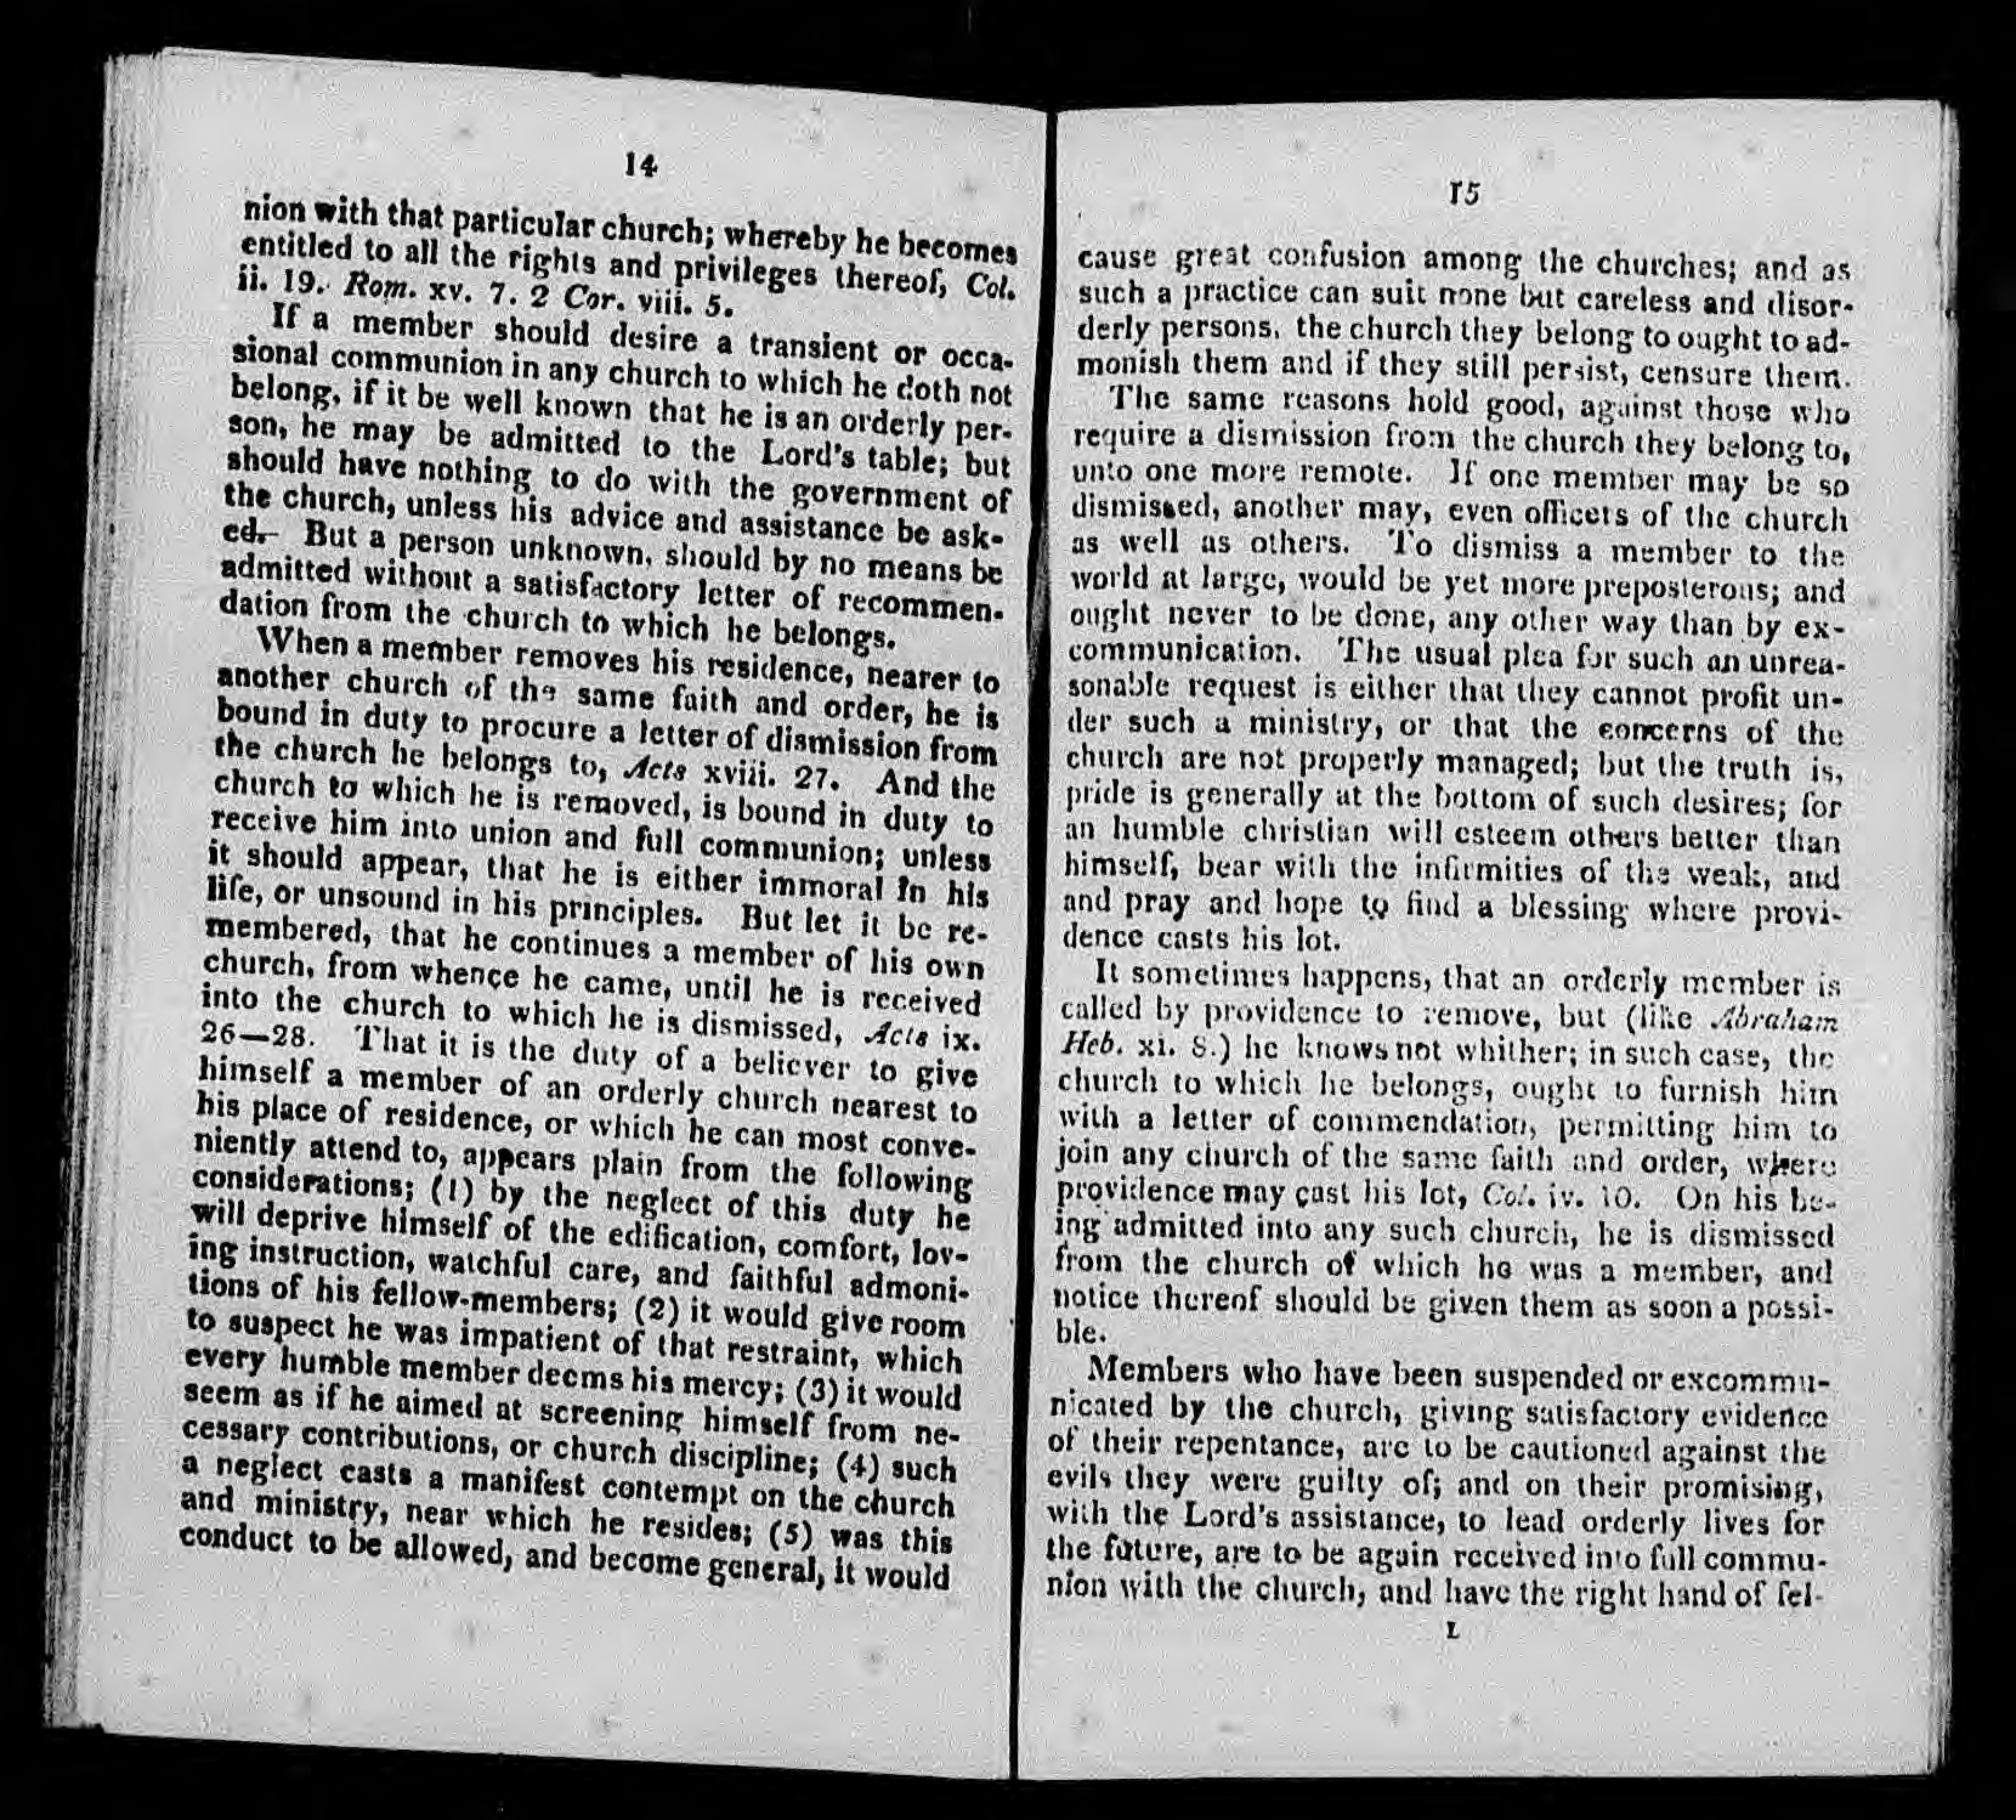[page] 14
[commu]nion with that particular church; whereby he becomes entitled to all the rights and privileges thereof, Col. ii. 19. rom. xv. 7.2 Cor. viii. 5.
If a member should desire a transient or occasional communion in any church to which he doth not belong, if it be well known that he is an orderly person, he may be admitted to the Lords table; but should have nothing to do with the government of the church, unless his advice and assistance be asked.  But a person unknown, should by no means be admitted without a satisfactory letter of recommendation from the church to which he belongs.
When a member removes his residence, nearer to another church of the same faith and order, he is bound in duty to procure a letter of dismission from the church he belongs to, Acts xviii. 27.  And the church to which he is removed, is bound in duty to receive him into union and full communion; unless it should appear, that he is either immoral in his life, or unsound in his principles. But let it be remembered, that he continues a member of his own church, from whence he came, until he is received into the church to which he is dismissed, Acts ix. 26-28. That it is the duty of a believer to give himself a member of an orderly church nearest to his place of residence, or which he can most conveniently attend to , appears plain from the following considerations; (1) by the neglect of this duty he will deprive himself of the edification, comfort, loving instruction, watchful care, and faithful admonitions of his fellow-members; (2) it would give room to suspect he was impatient of that restraint, which every humble member deems his mercy; (3) it would seem as if he aimed at screening himself from necessary contributions, or church discipline;  (4) such a neglect casts a manifest contempt on the church and ministry, near which he resides; (5) was this conduct to be allowed, and become general, it would

[page] 15
cause great confusion among the churches; and as such a practice can suit none but careless and disorderly person, the church they belong to ought to admonish them and if they still persist, censure them.
The same reasons hold good, against those who require a dismission from the church they belong to, unto one more remote.  If one member may be so dismissed, another may, even officers of the church as well as others.  To dismiss a member to the world at large, would be yet more preposterous; and ought never to be done, any other way then by excommunication.  The usual plea for such an unreasonable request is either that they cannot profit under such a ministry, or that the concerns of the church are not properly managed; but the truth is, pride is generally at the bottom of such desires; for an humble christian will esteem others better than himself, bear with the infirmities of the weak, and and pray and hope to find a blessing where providence casts his lot.
It sometimes happens, that an orderly member is called by providence to remove, but (like Abraham Heb. xi. 8.) he knows not whither; in such case, the church to which he belongs, ought to furnish him with a letter of commendation, permitting him to join any church of the same faith and order, where providence may cast his lot, Col. iv. 10. On his being admitted into any such church, he is dismissed from the church of which he was a member and notice thereof should be given them as soon as possible.
Members who have been suspended or excommunicated by the church, giving satisfactory evidence of their repentance, are to be cautioned against the evils they were guilty of ; and on their promising, with the Lord's assistance, to lead orderly lives for the future, are to be again received into full communion with the church, and have the right hand of fel[lowship]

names: Abraham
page: 53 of 98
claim: widow's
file: W. 8398, William Broadway, S.C.